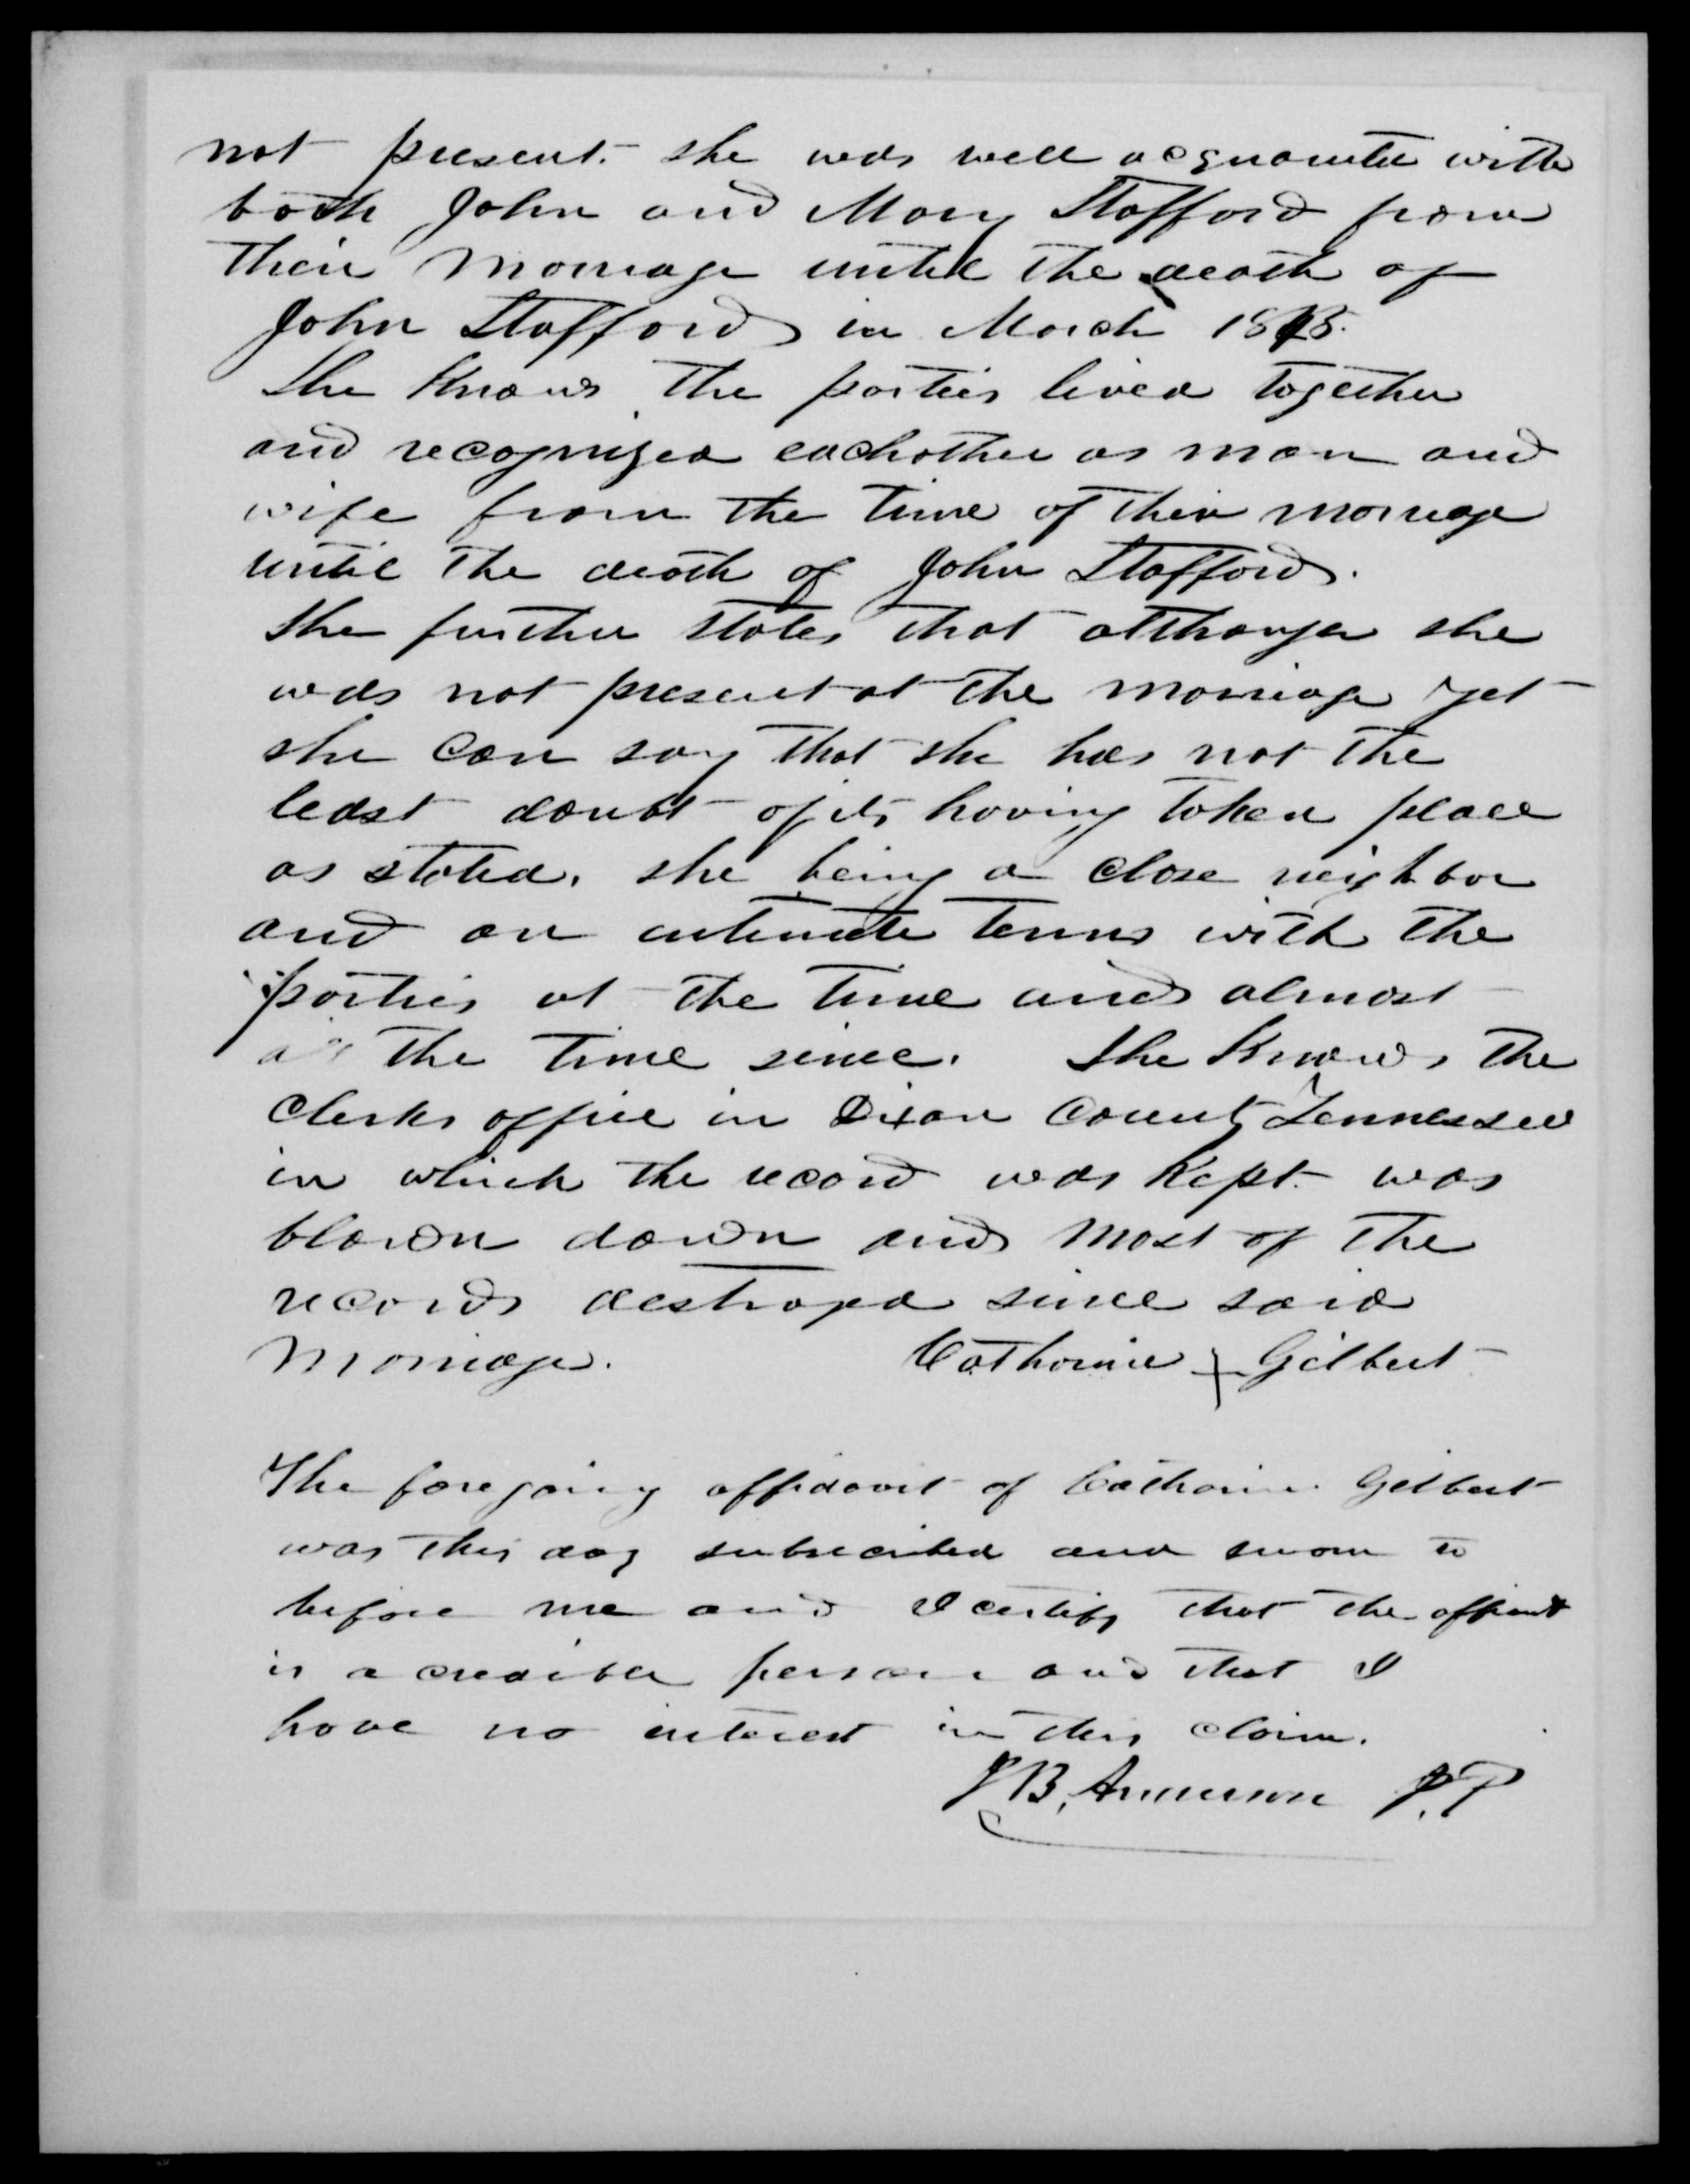not present she was well acquainted with both John and Mary Stafford from their marriage until the death of John Stafford in March 1845. 
She knows the parties lived together and recognized each other as man and wife from the time of their marriage until the death of John Stafford. 
She further states that although she was not present at the marriage yet she can say that she has not the least doubt of its having taken place as stated. She being a close neighbor and on intimate terms with the parties at the time and almost at the time since. She knows the clerks office in Dixon County Tennessee  in which the record was kept was blown down and most of the records destroyed since said married 
					Catherine X Gilbert

The foregoing affidavit of Catherine Gilbert was this day subscribed and sworn to before me an dI certify that the officiant[?] is a credible person and that I have no interest in this claim.

J.B Anderson J.P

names: John Stafford; John Stafford; Mary Stafford; Catharine Gilbert; John Stafford; J B Anderson; Catharine Gilbert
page: 28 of 61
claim: widow's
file: W. 11554, for John Stafford, Maryland